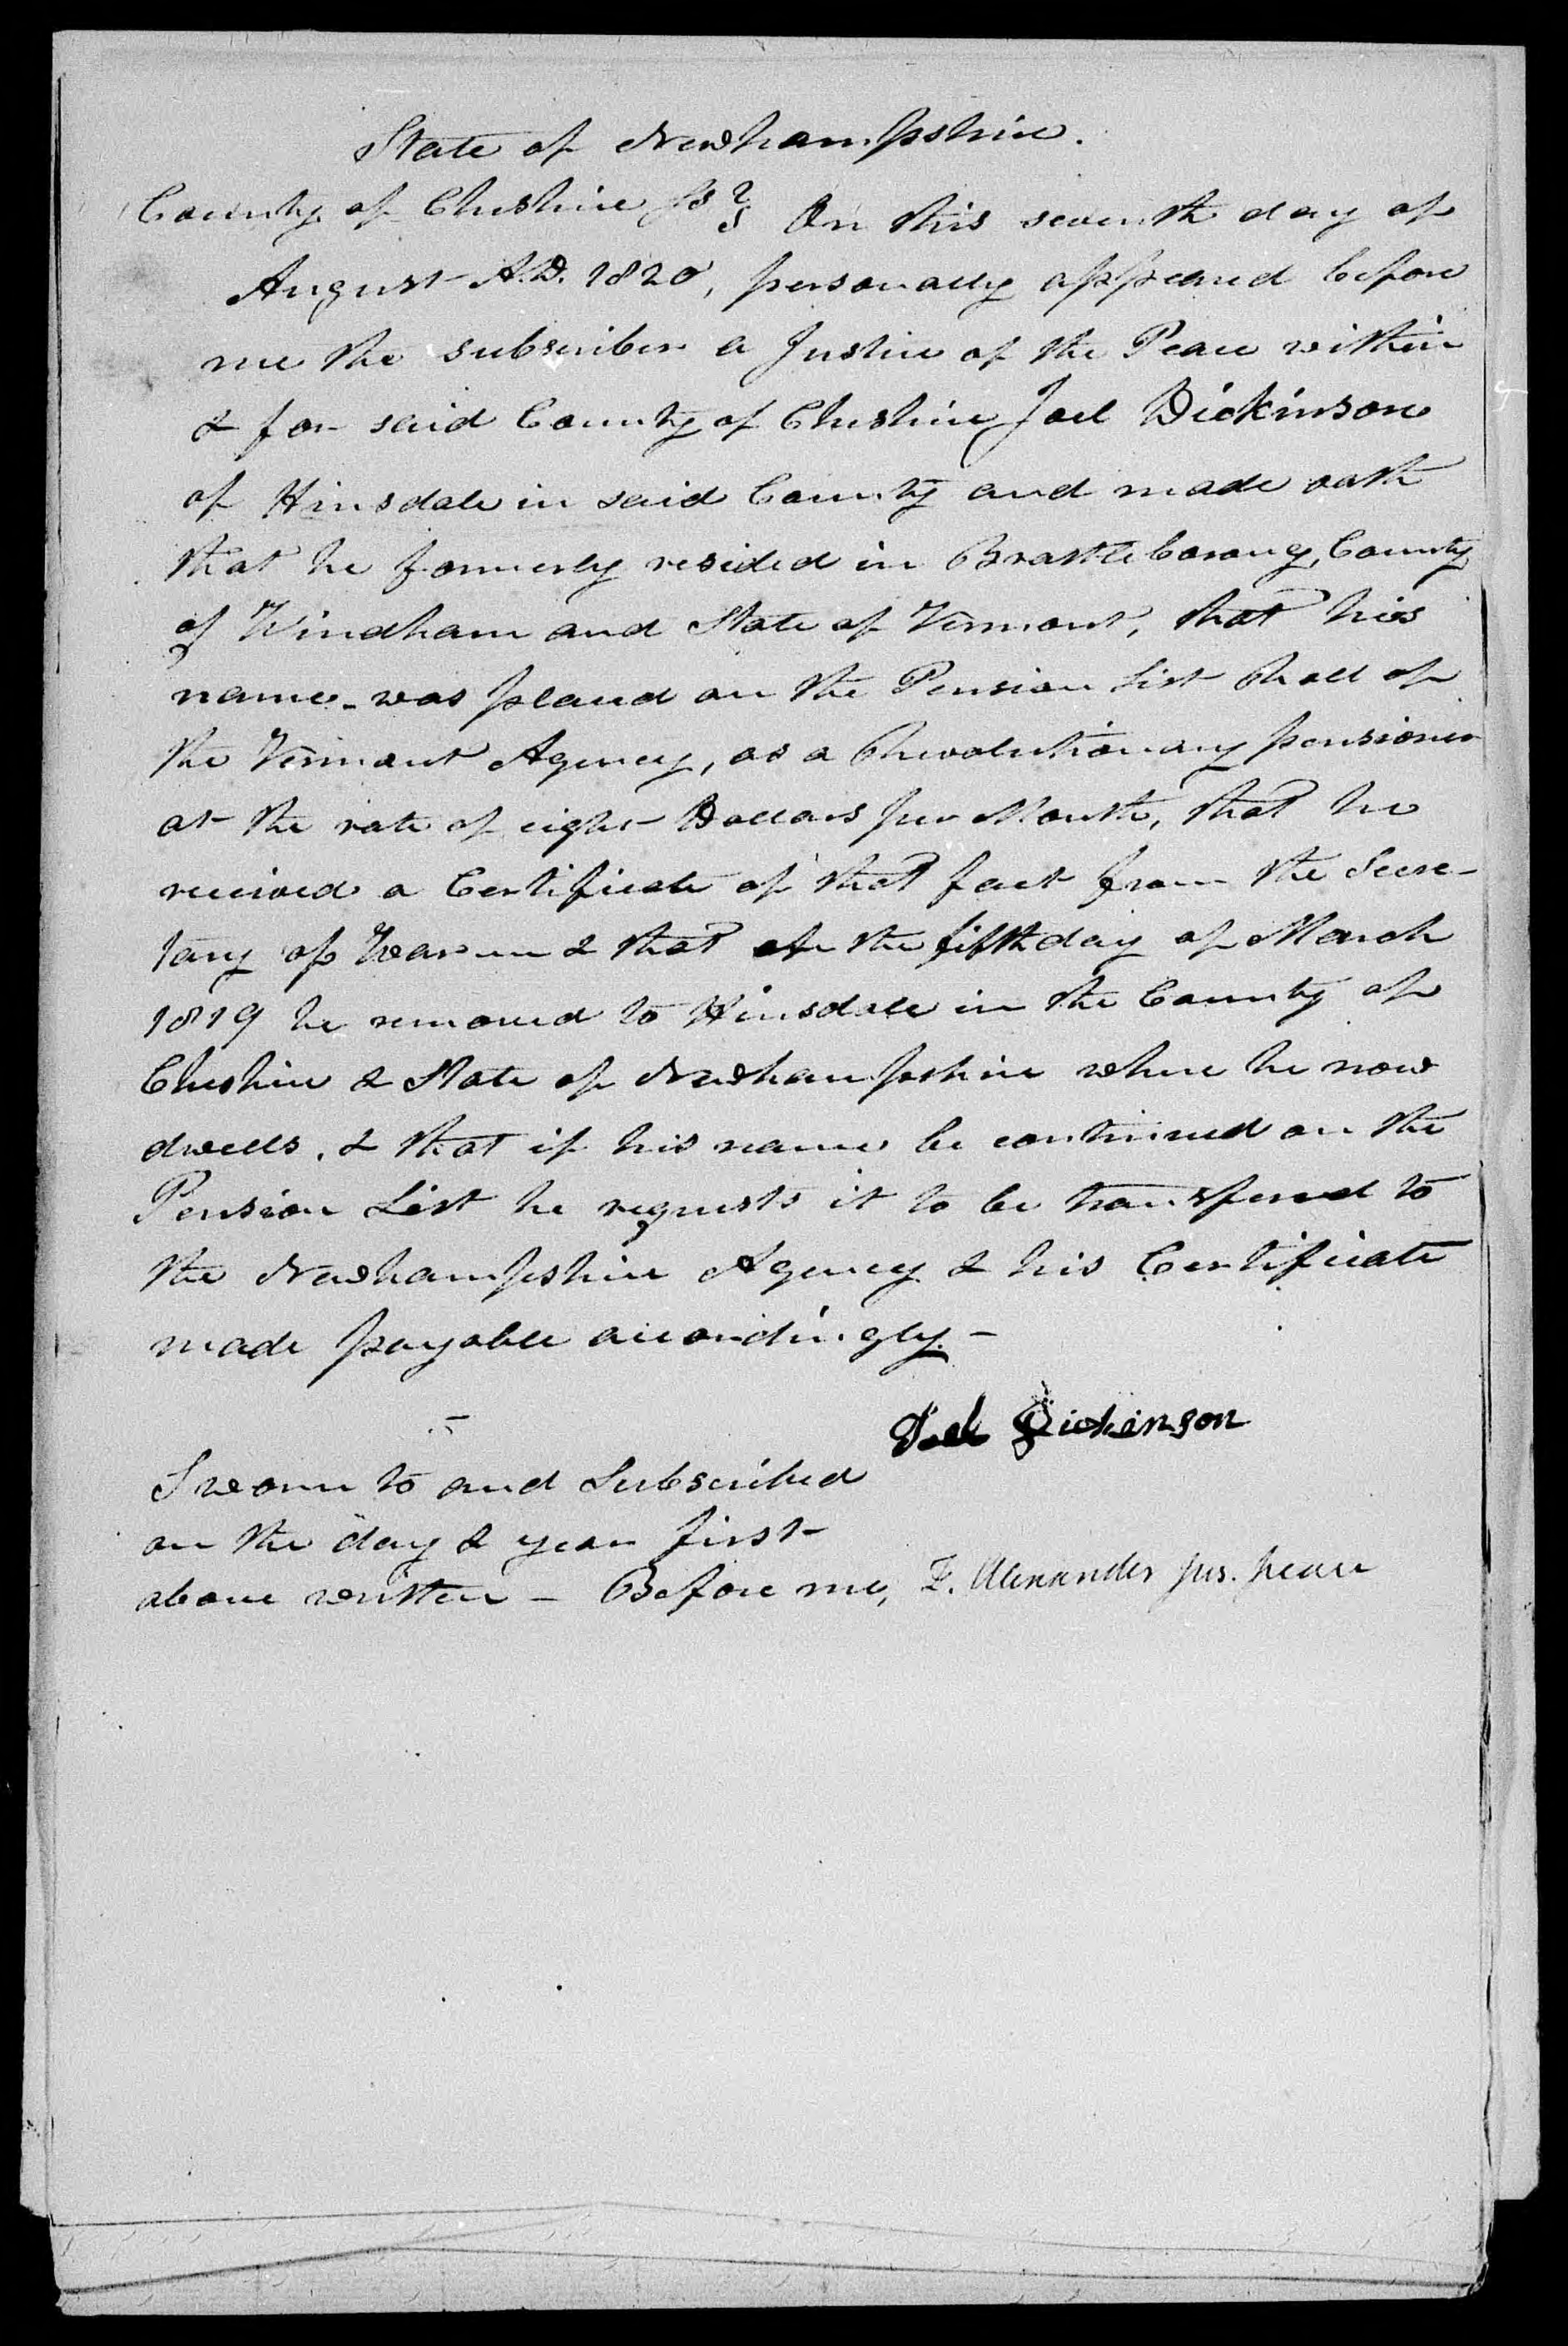State of New Hampshire
County of Cheshire Ss.⎬ On this seventh day of
August A.D. 1820, personally appeared before
me the subscriber a Justice of the Peace within
and for said County of Cheshire Joel Dickinson
of Hinsdale in said County and made oath
that he formerly resided in Brattleborough County
of Windham and State of Vermont, that his
name was placed on the Pension List hall of
the Vermont Agency, as a revolutionary pensioner
at the rate of eight Dollars per month, that he
received a certificate of that fact from the Secretary of War and  that of the fifth day of March
1879 he removed to Hinsdale in the County of
Cheshire and State of New hampshire where he now
dwells, and that if his name be continued on the
Pension List he requests it to be transfered to
the New hampshire Agency and his Certificate
made payable accordingly-
Joel Dickinson
Sworn to and subscribed
on the day and year first
above written - Before me, F. Alexander Justice of the Peace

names: Joel Dickinson, Joel Dickinson, F Alexander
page: 16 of 31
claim: widow's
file: W. 22946, Joel Dickinson, Mass.